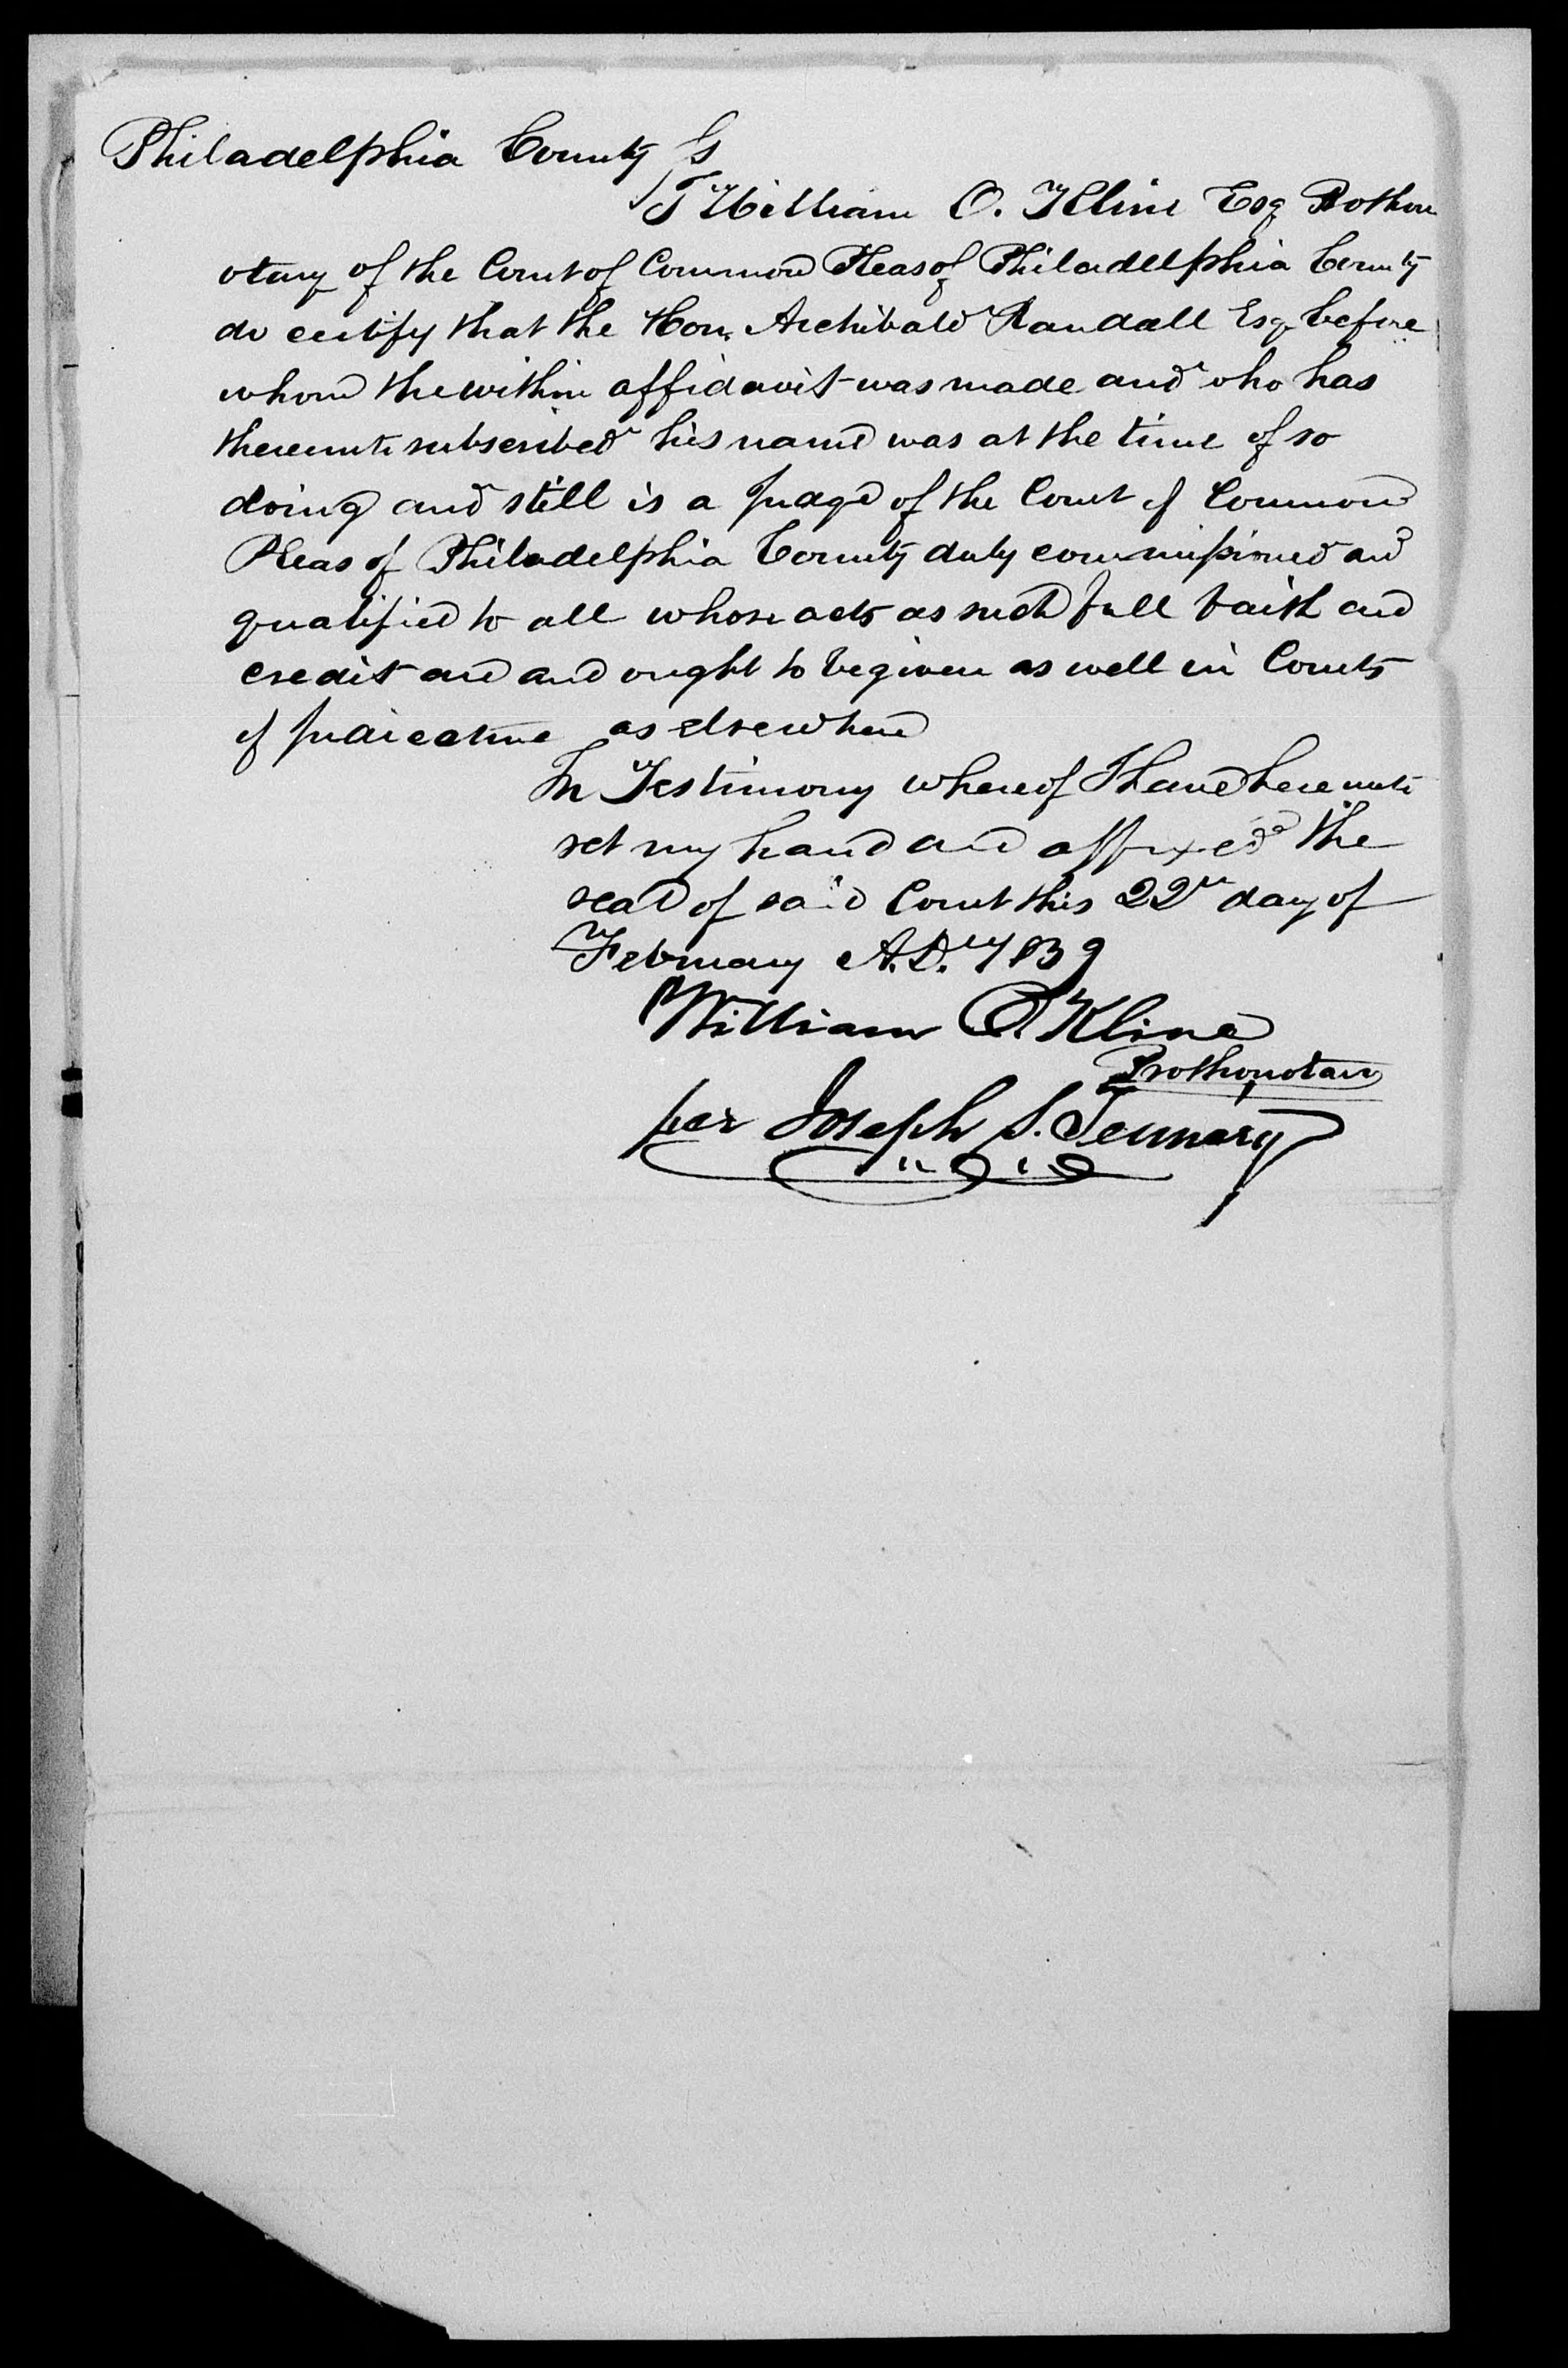Philadelphia County Js

I William O. Kline Esq Prothonotary of the Court of Common Please of Philadelphia County do certify that the Hon. Archibald Randall Esq. before whom the within affidavit was made and who has therewith subscribed his name was at the time of so doing and still is a Judge of the Court of Common Pleas of Philadelphia County duly commissioned and qualified to all whose act as such full faith and credit are and ought to be given as well in Courts of [illegible] as drew here
In testimony whereof have herewith set my hand and affixed the seal of said Court this 22nd day of February A.D. 39

William O Kline Prothonotary
for Joseph S. Tennery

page: 74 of 86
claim: widow's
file: W. 3571, for David Marshall, Pennsylvania